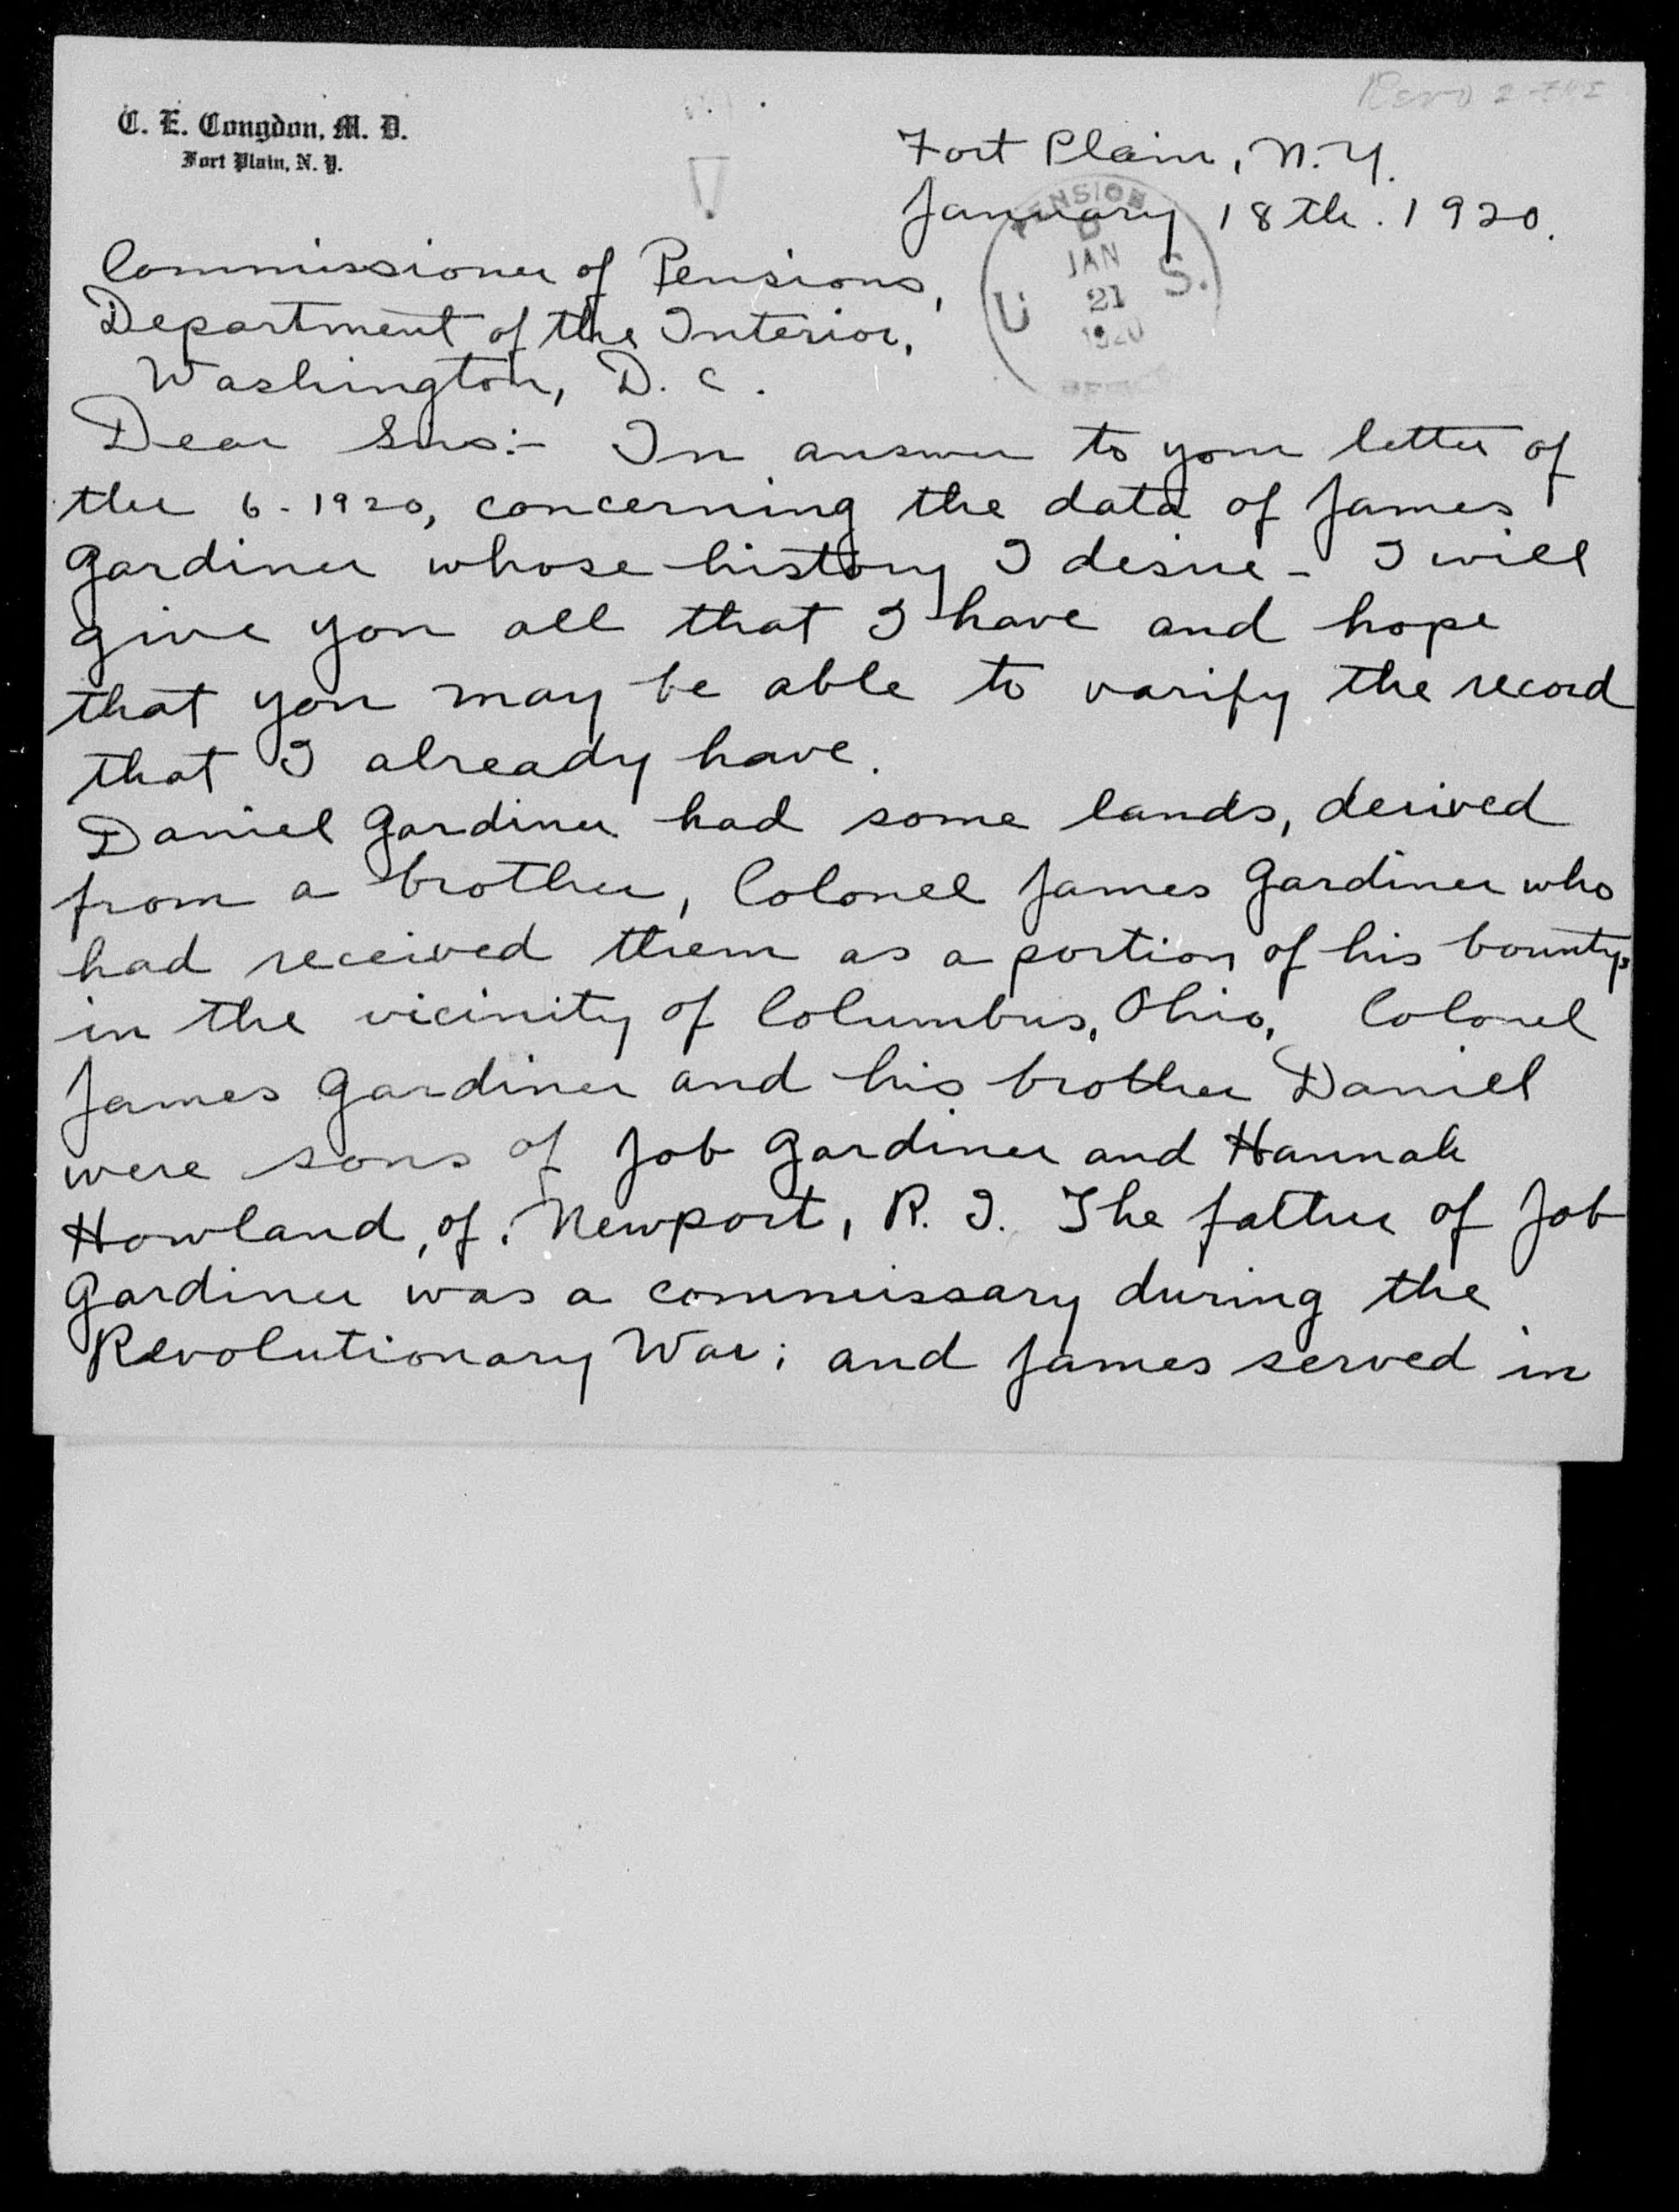C.E. Congdon, M.D.
Fort Plain, N.Y.
                                       Fort Plain, N.Y.
                                        January 18th, 1920
Commissioner of Pensions,
Department of the Interior,
Washington, D.C.                  [postmark stamped].  Pension Office Jan 21 1920 US

Dear Sirs:-
In answer to your letter of the 6-1920, concerning the data of James Gardiner whose history I desire- I will give you all that I have and hope that you may be able to varify [sic] the record that I already have.

Daniel Gardiner had some lands, derived from a brother, Colonel James Gardiner who had received them as a portion of his bounty in the vicinity of Columbus, Ohio, Colonel James Gardiner and his brother Daniel were sons of Job Gardiner and Hannah Howland, of Newport, R.I. The father of Job Gardiner was a commissary during the Revolutionary War; and James served in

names: Hannah Howland, Daniel Gardiner, James Gardiner, Daniel, Job Gardiner, James Gardiner, James Gardiner, C E Congdon, James, Job Gardiner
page: 18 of 18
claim: bounty land warrant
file: B. L. Wt. 668-200, James Gardner, Continental Artillery Parents Of N.Y.